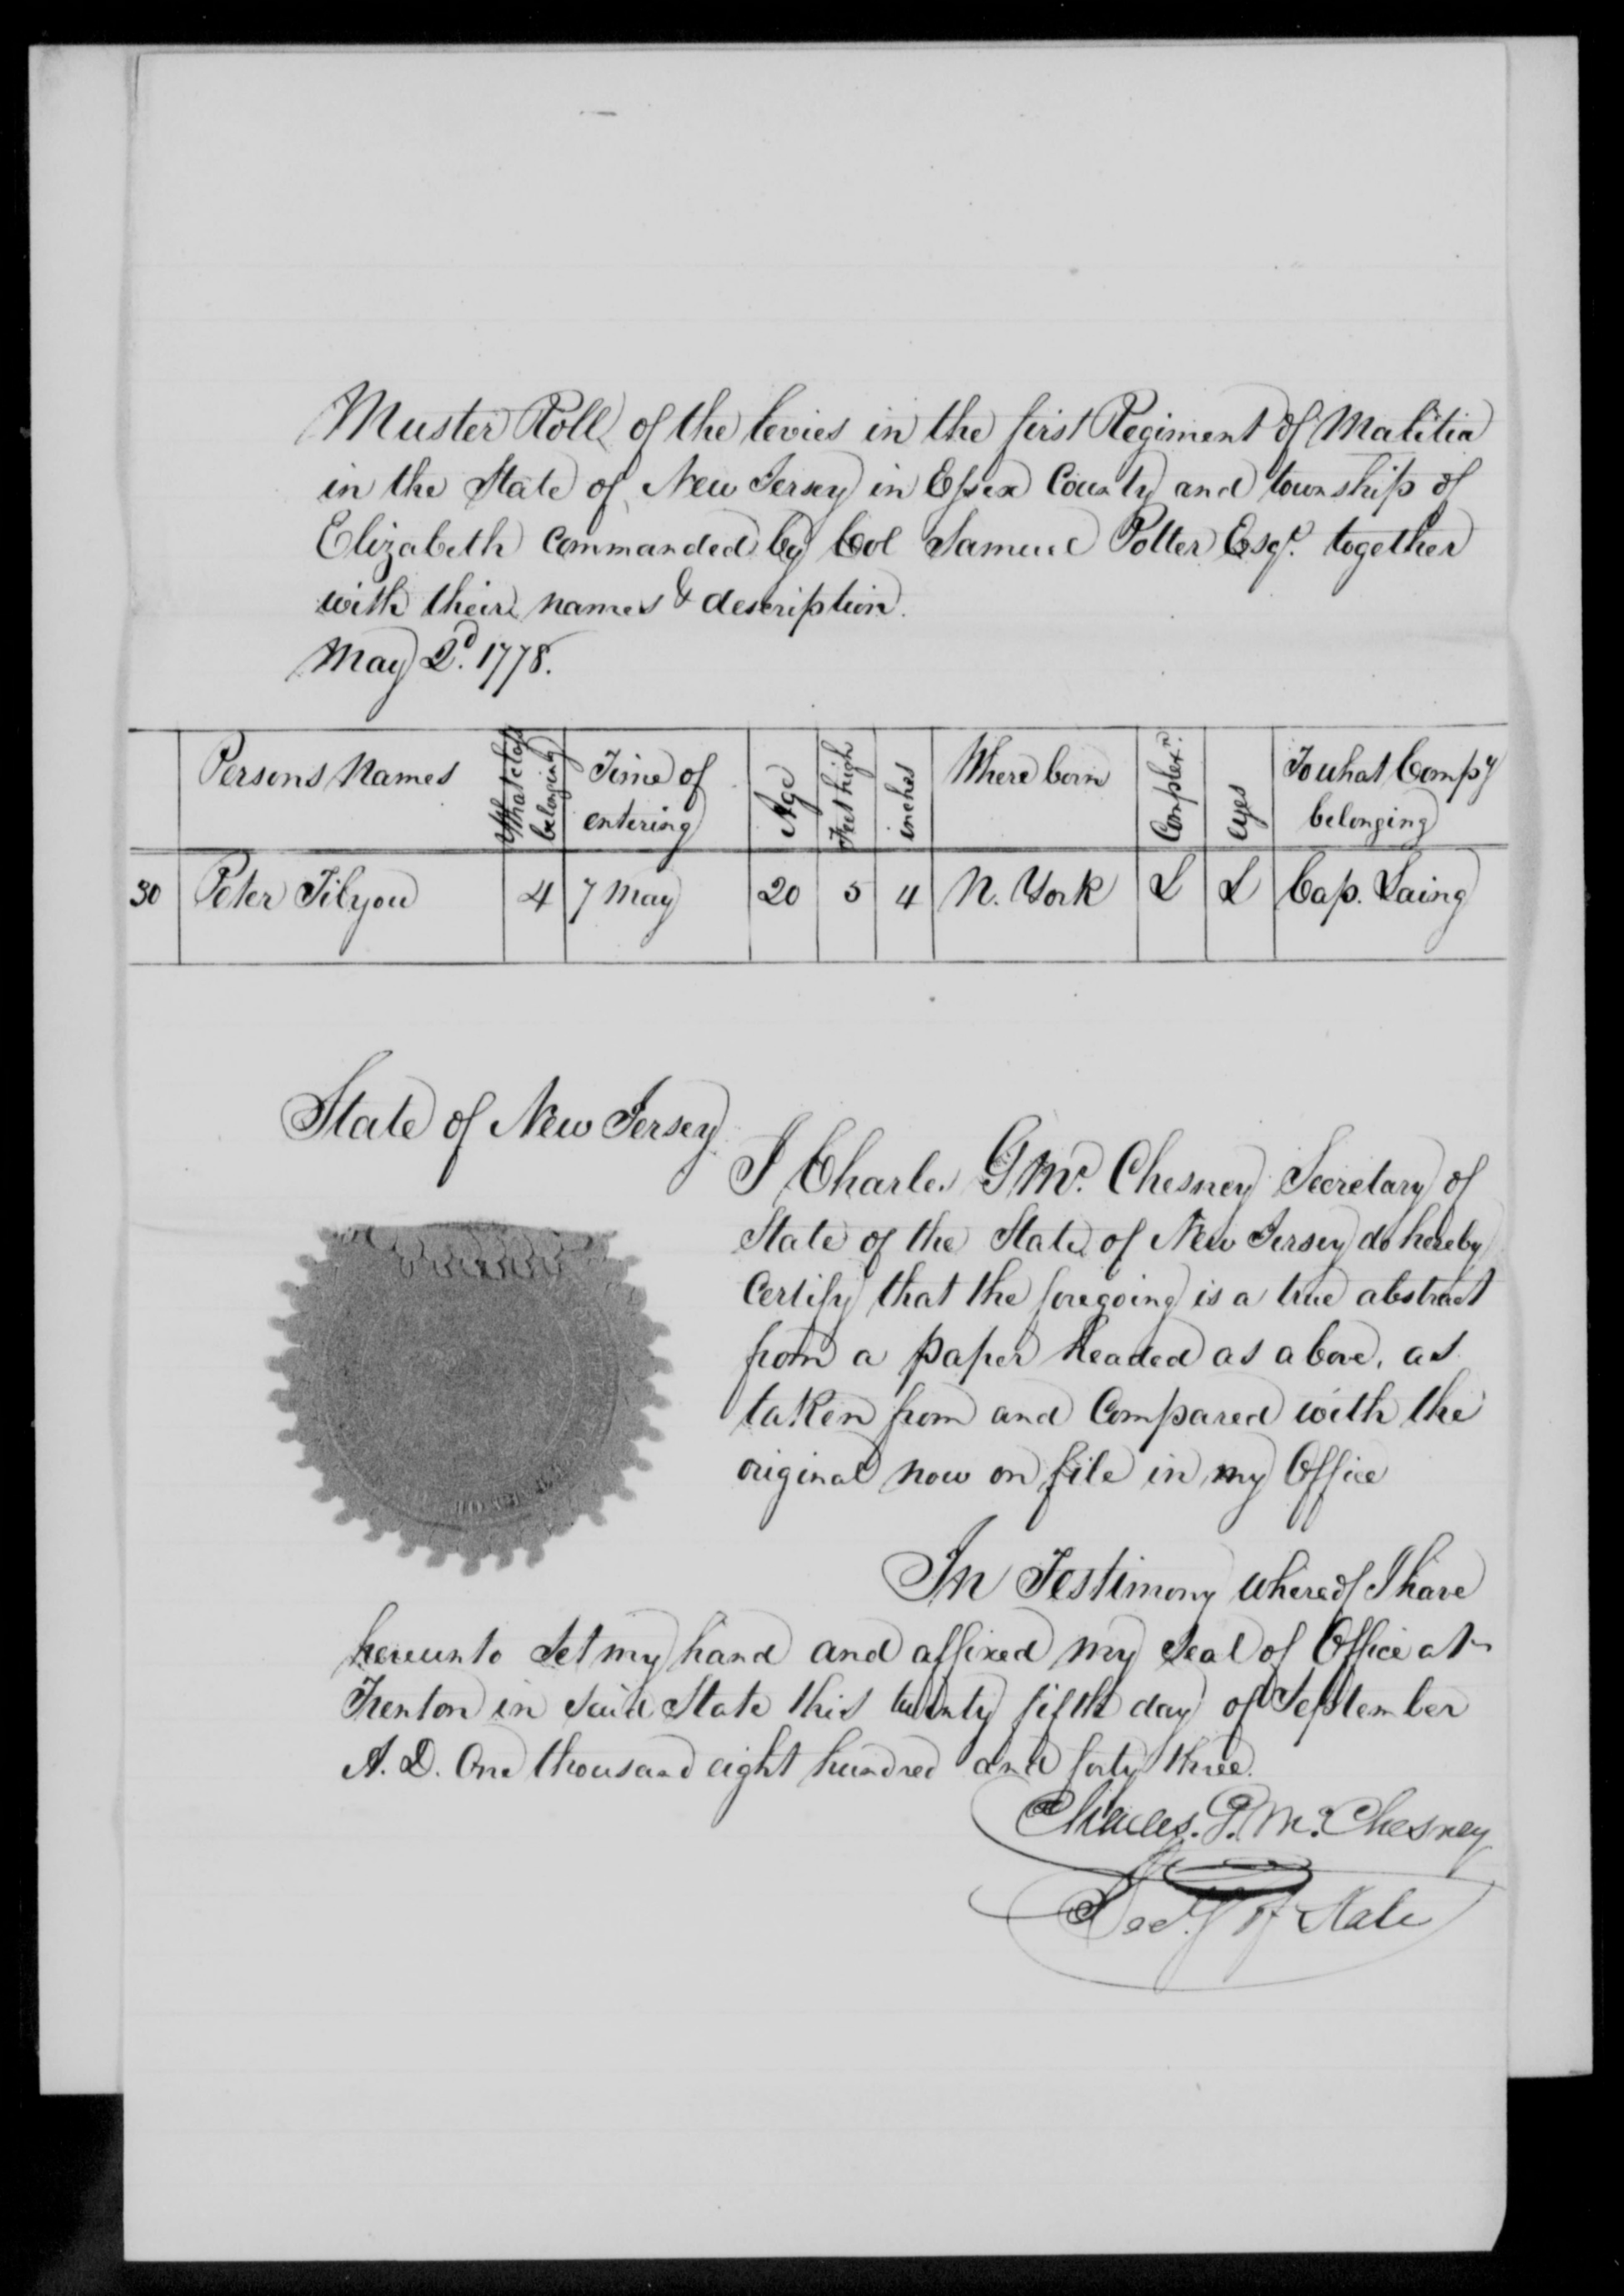Muster Roll of the levies in the first Regiment of Malitia [Militia] in the State of New Jersey in Essex County and township of Elizabeth commanded by Col Samuel Potter Esqr together with their names & description.
 May 2d 1778
Persons Names|What class belonging| Time of entering| Age|Feet high|inches|Where born|Complexn|Eyes|To what Compy belonging

30 Peter Tilyou  4  7 May  Age 20  5 feet 4 inches  born New York Complexion L?  Eyes L?  Cap Laing

State of New Jersey
 I Charles G. McChesney Secretary of State of the State of New Jersey do hereby certify that the foregoing is a true abstract from a paper headed as above, as taken from and compared with the original now on file in my office.
  In Testimony whereof I have hereunto set my hand and affixed my seal of Office at Trenton in said State this twenty fifth day of September A.D. One thousand eight hundred and forty three.
  Charles G. McChesney
 Secy of State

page: 19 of 101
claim: widow's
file: W. 25481, for Peter V Tilyou, New Jersey